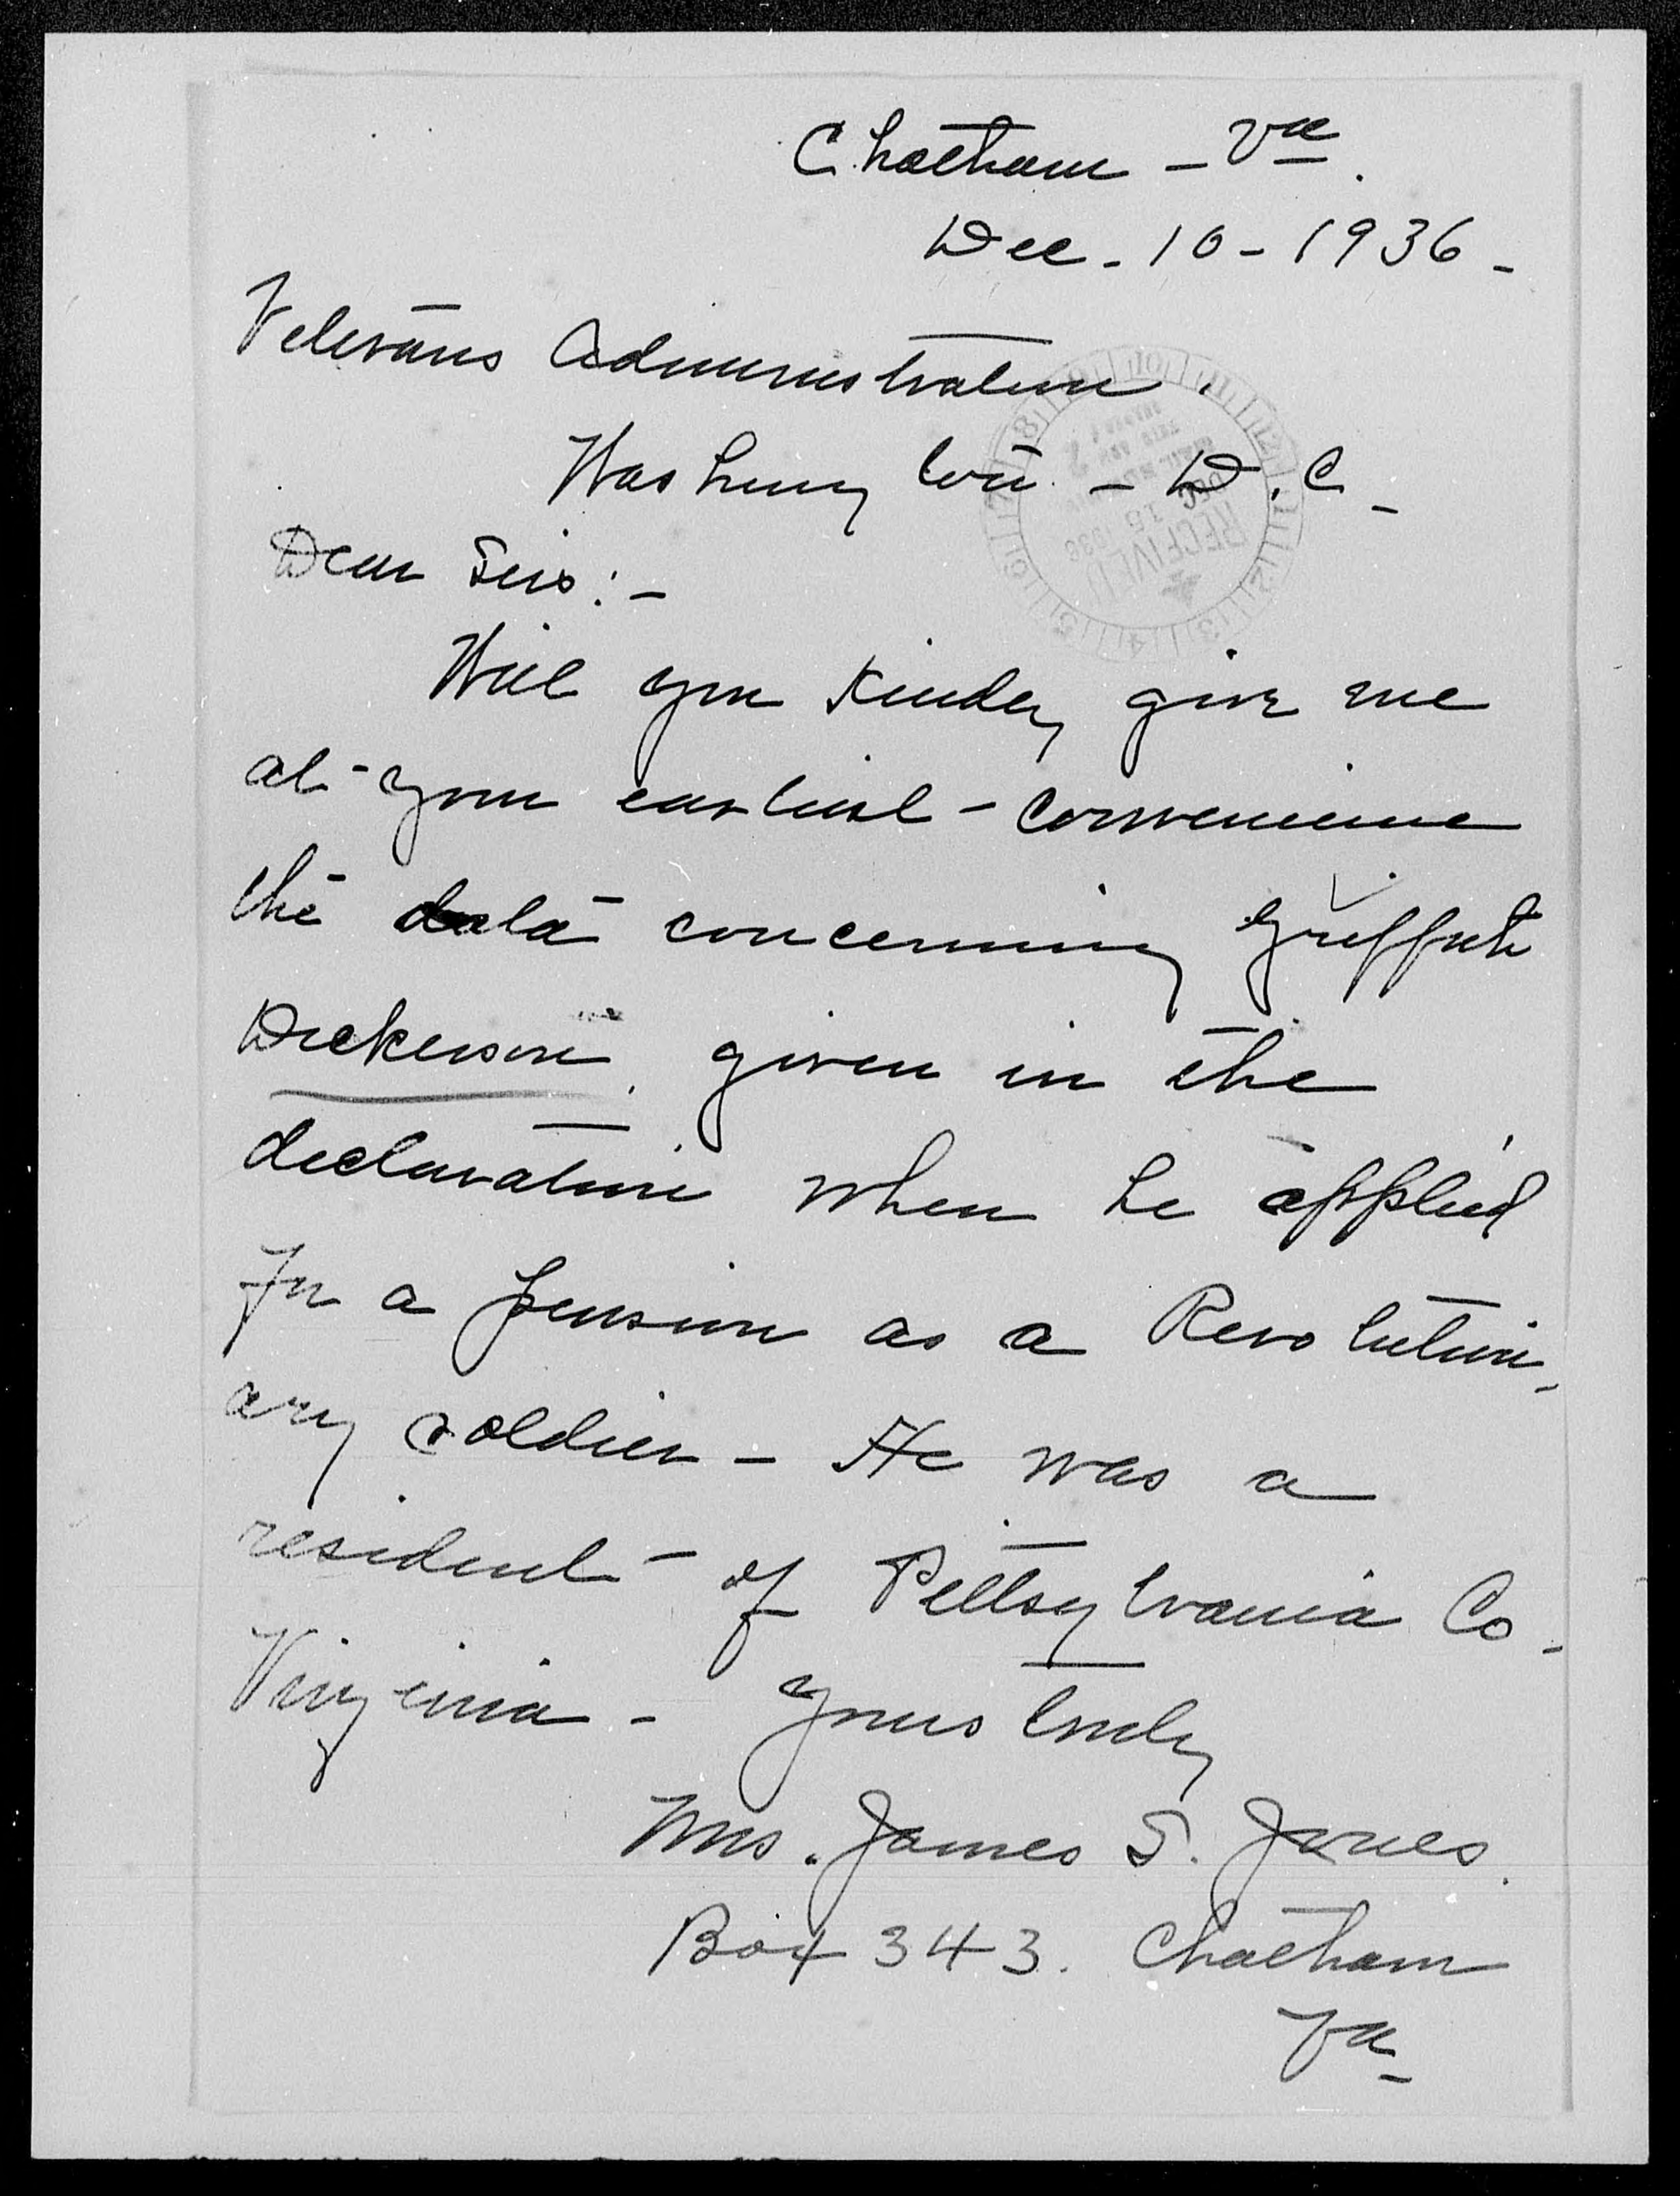Chatham _ Va.
Dec. 10. 1936.
[illegible] Administration
Washington -D.C.
Dear Sirs:-
Will you kindly give me at our earliest convenience the data concerning Griffith Dickerson given in the declaration when he applied for a pension as a Revolutionary soldier - He was a resident of Pittsylvania Co Virginia - Yours Truly
Mrs. James S Jones
Box 343 Chatham Va.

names: Griffeth Dickerson, James S Jones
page: 22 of 26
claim: survivor's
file: S. 20896, Griffeth Dickenson, Ga. Va.